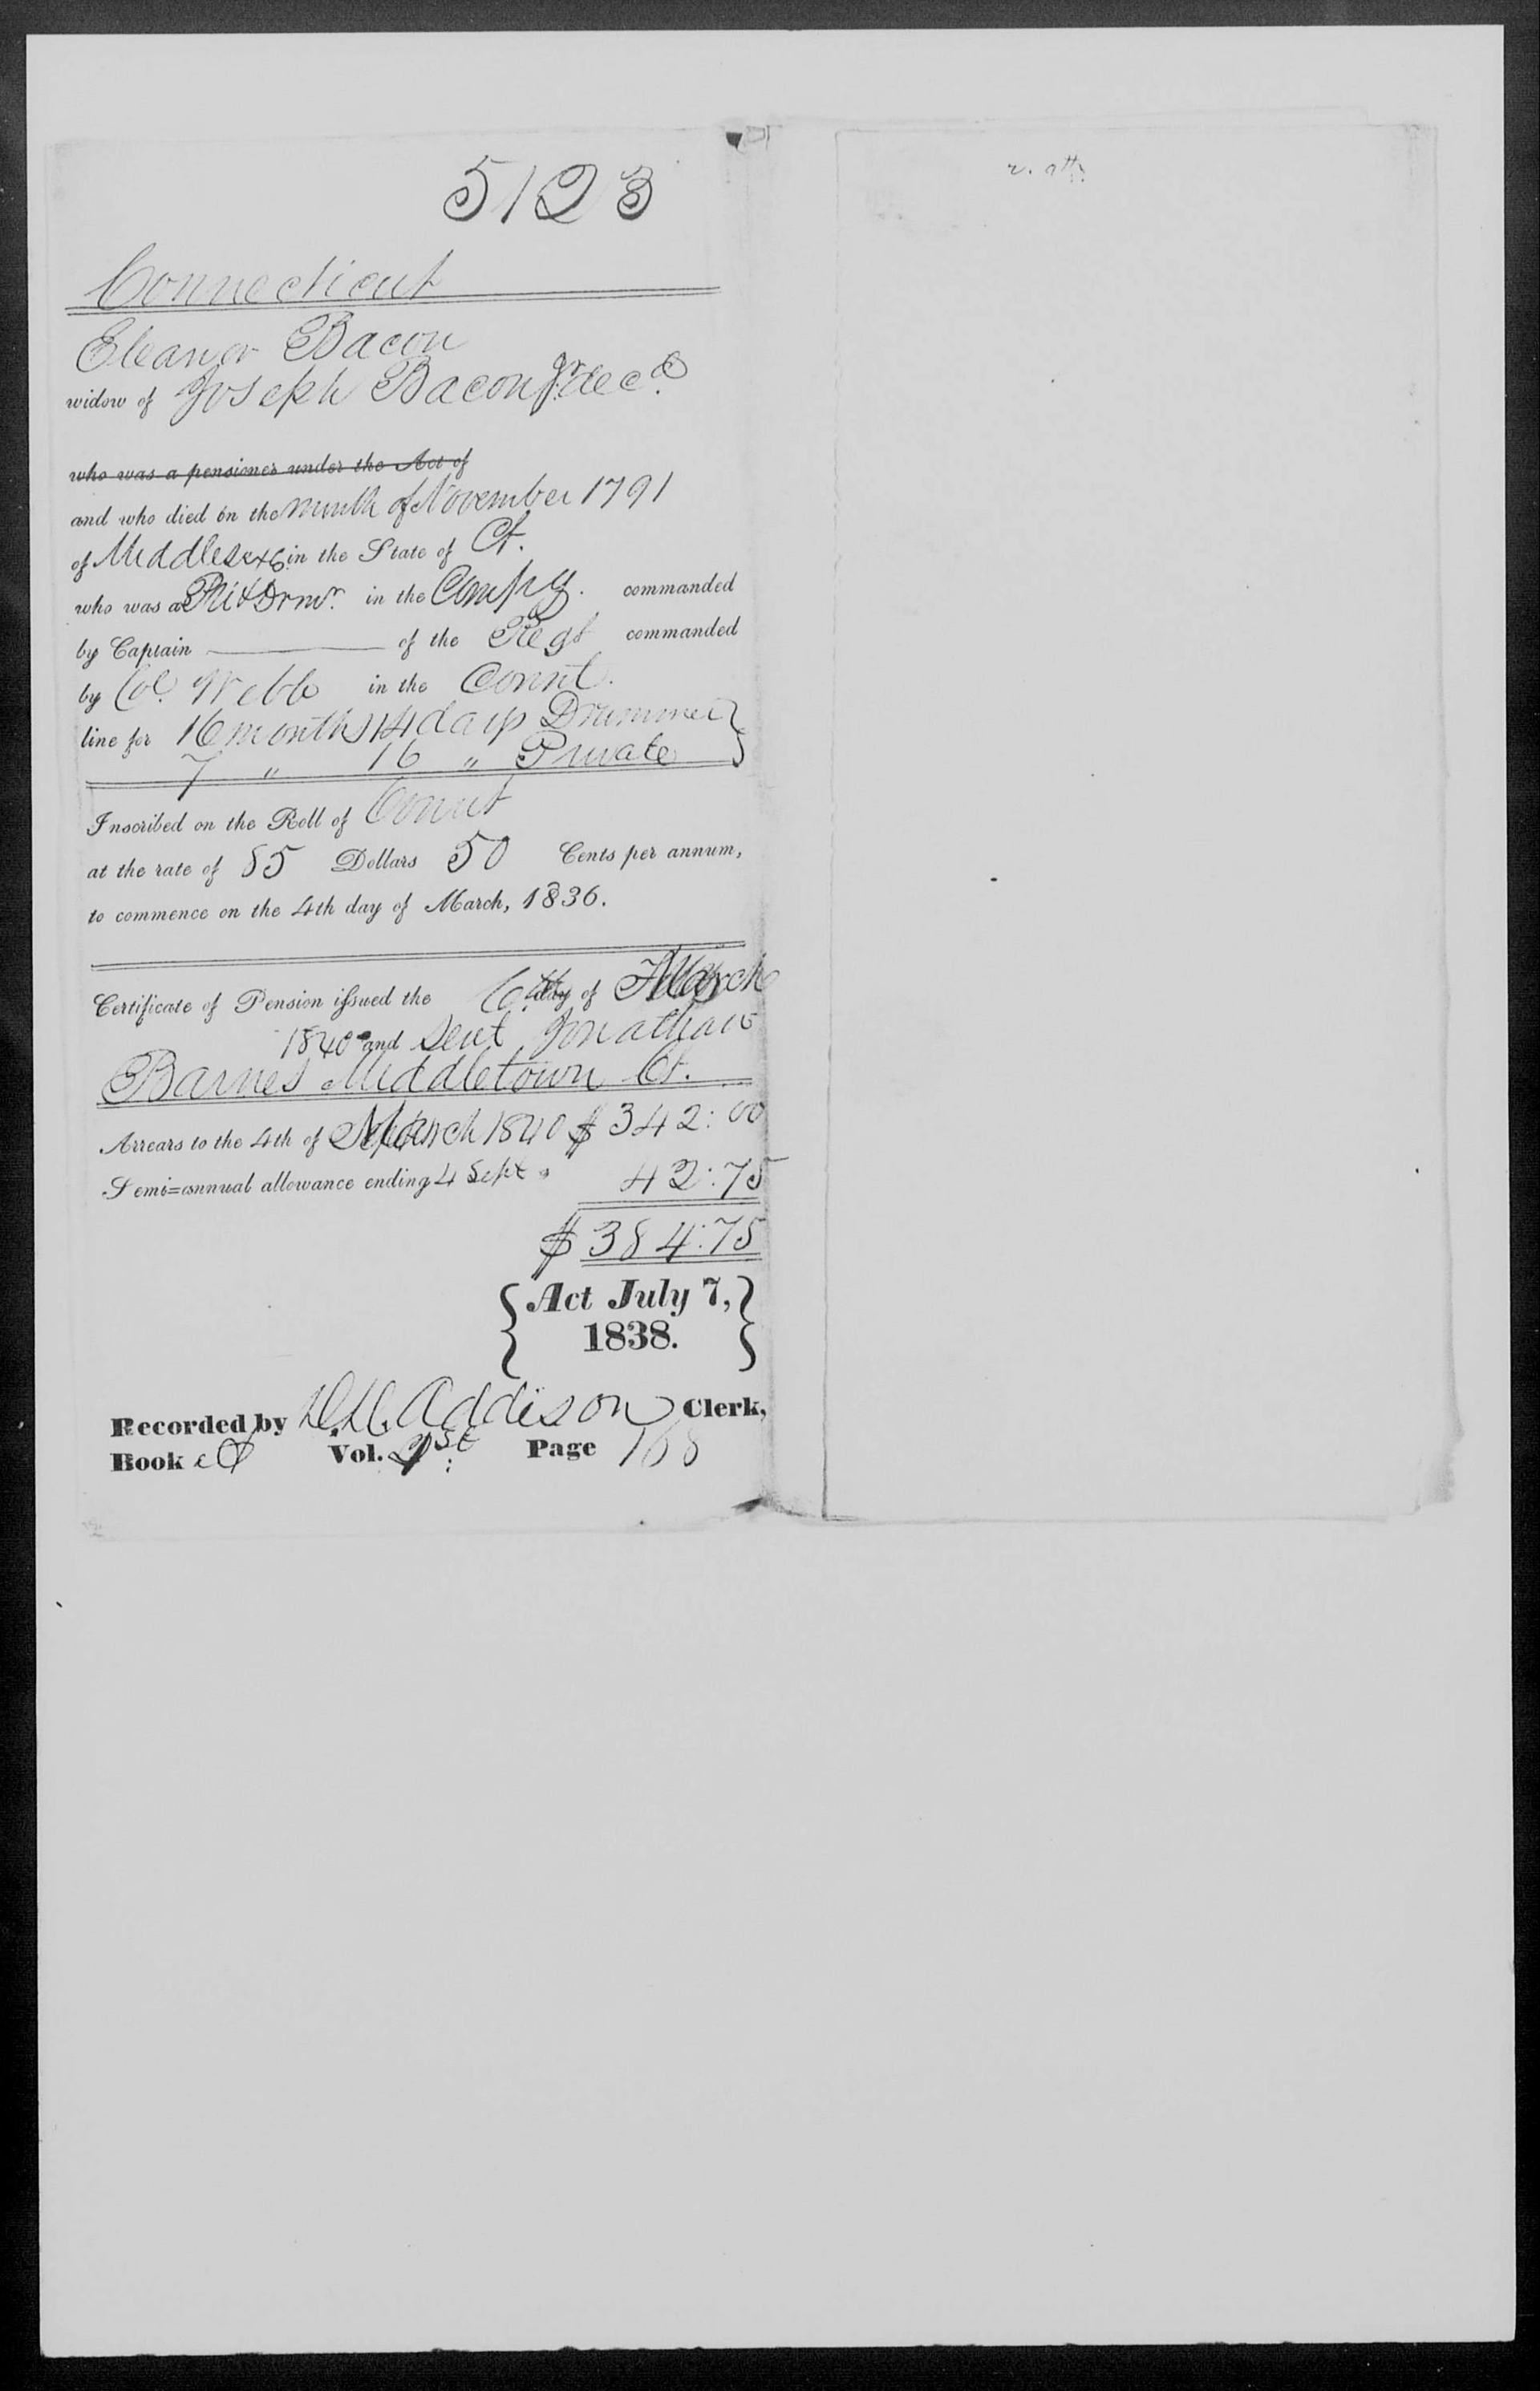5123
Connecticut
____________
Eleanor Bacon
widow of Joseph Bacon Jr. deceased
and who died in the month of November 1791 of Middlesex in the State of Connecticut who was a Private & Drummer in the Compaby commanded by Captain ----------- of the Regiment commanded by Col. Webb in the Connecticut line for 16 months, 14 days Drummer, 7 months, 16 days Private
_________________
Inscribed on the Roll of Connecticut at the rate of 85 Dollars 50 cents per annum, to commence on the 4th day of March, 1836. 
_____________
Certificate of Pension issued the 6th day of March, 1840 and sent Jonathan Barnes Middletown, Connecticut.
________________
Arrears to the 4th of March 1840 $342:00
Semi=annual allowance ending 4 Sept $42:75
$384:75
{Act July 7, 1838.}
Recorded by D. D. Addison Clerk, Book O, Vol. 1st: Page 168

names: Eleanor Bacon, Jonathan Barnes, Joseph Bacon, Webb, D D Addison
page: 13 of 24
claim: widow's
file: W. 25190, Joseph Bacon, Continental (Conn)